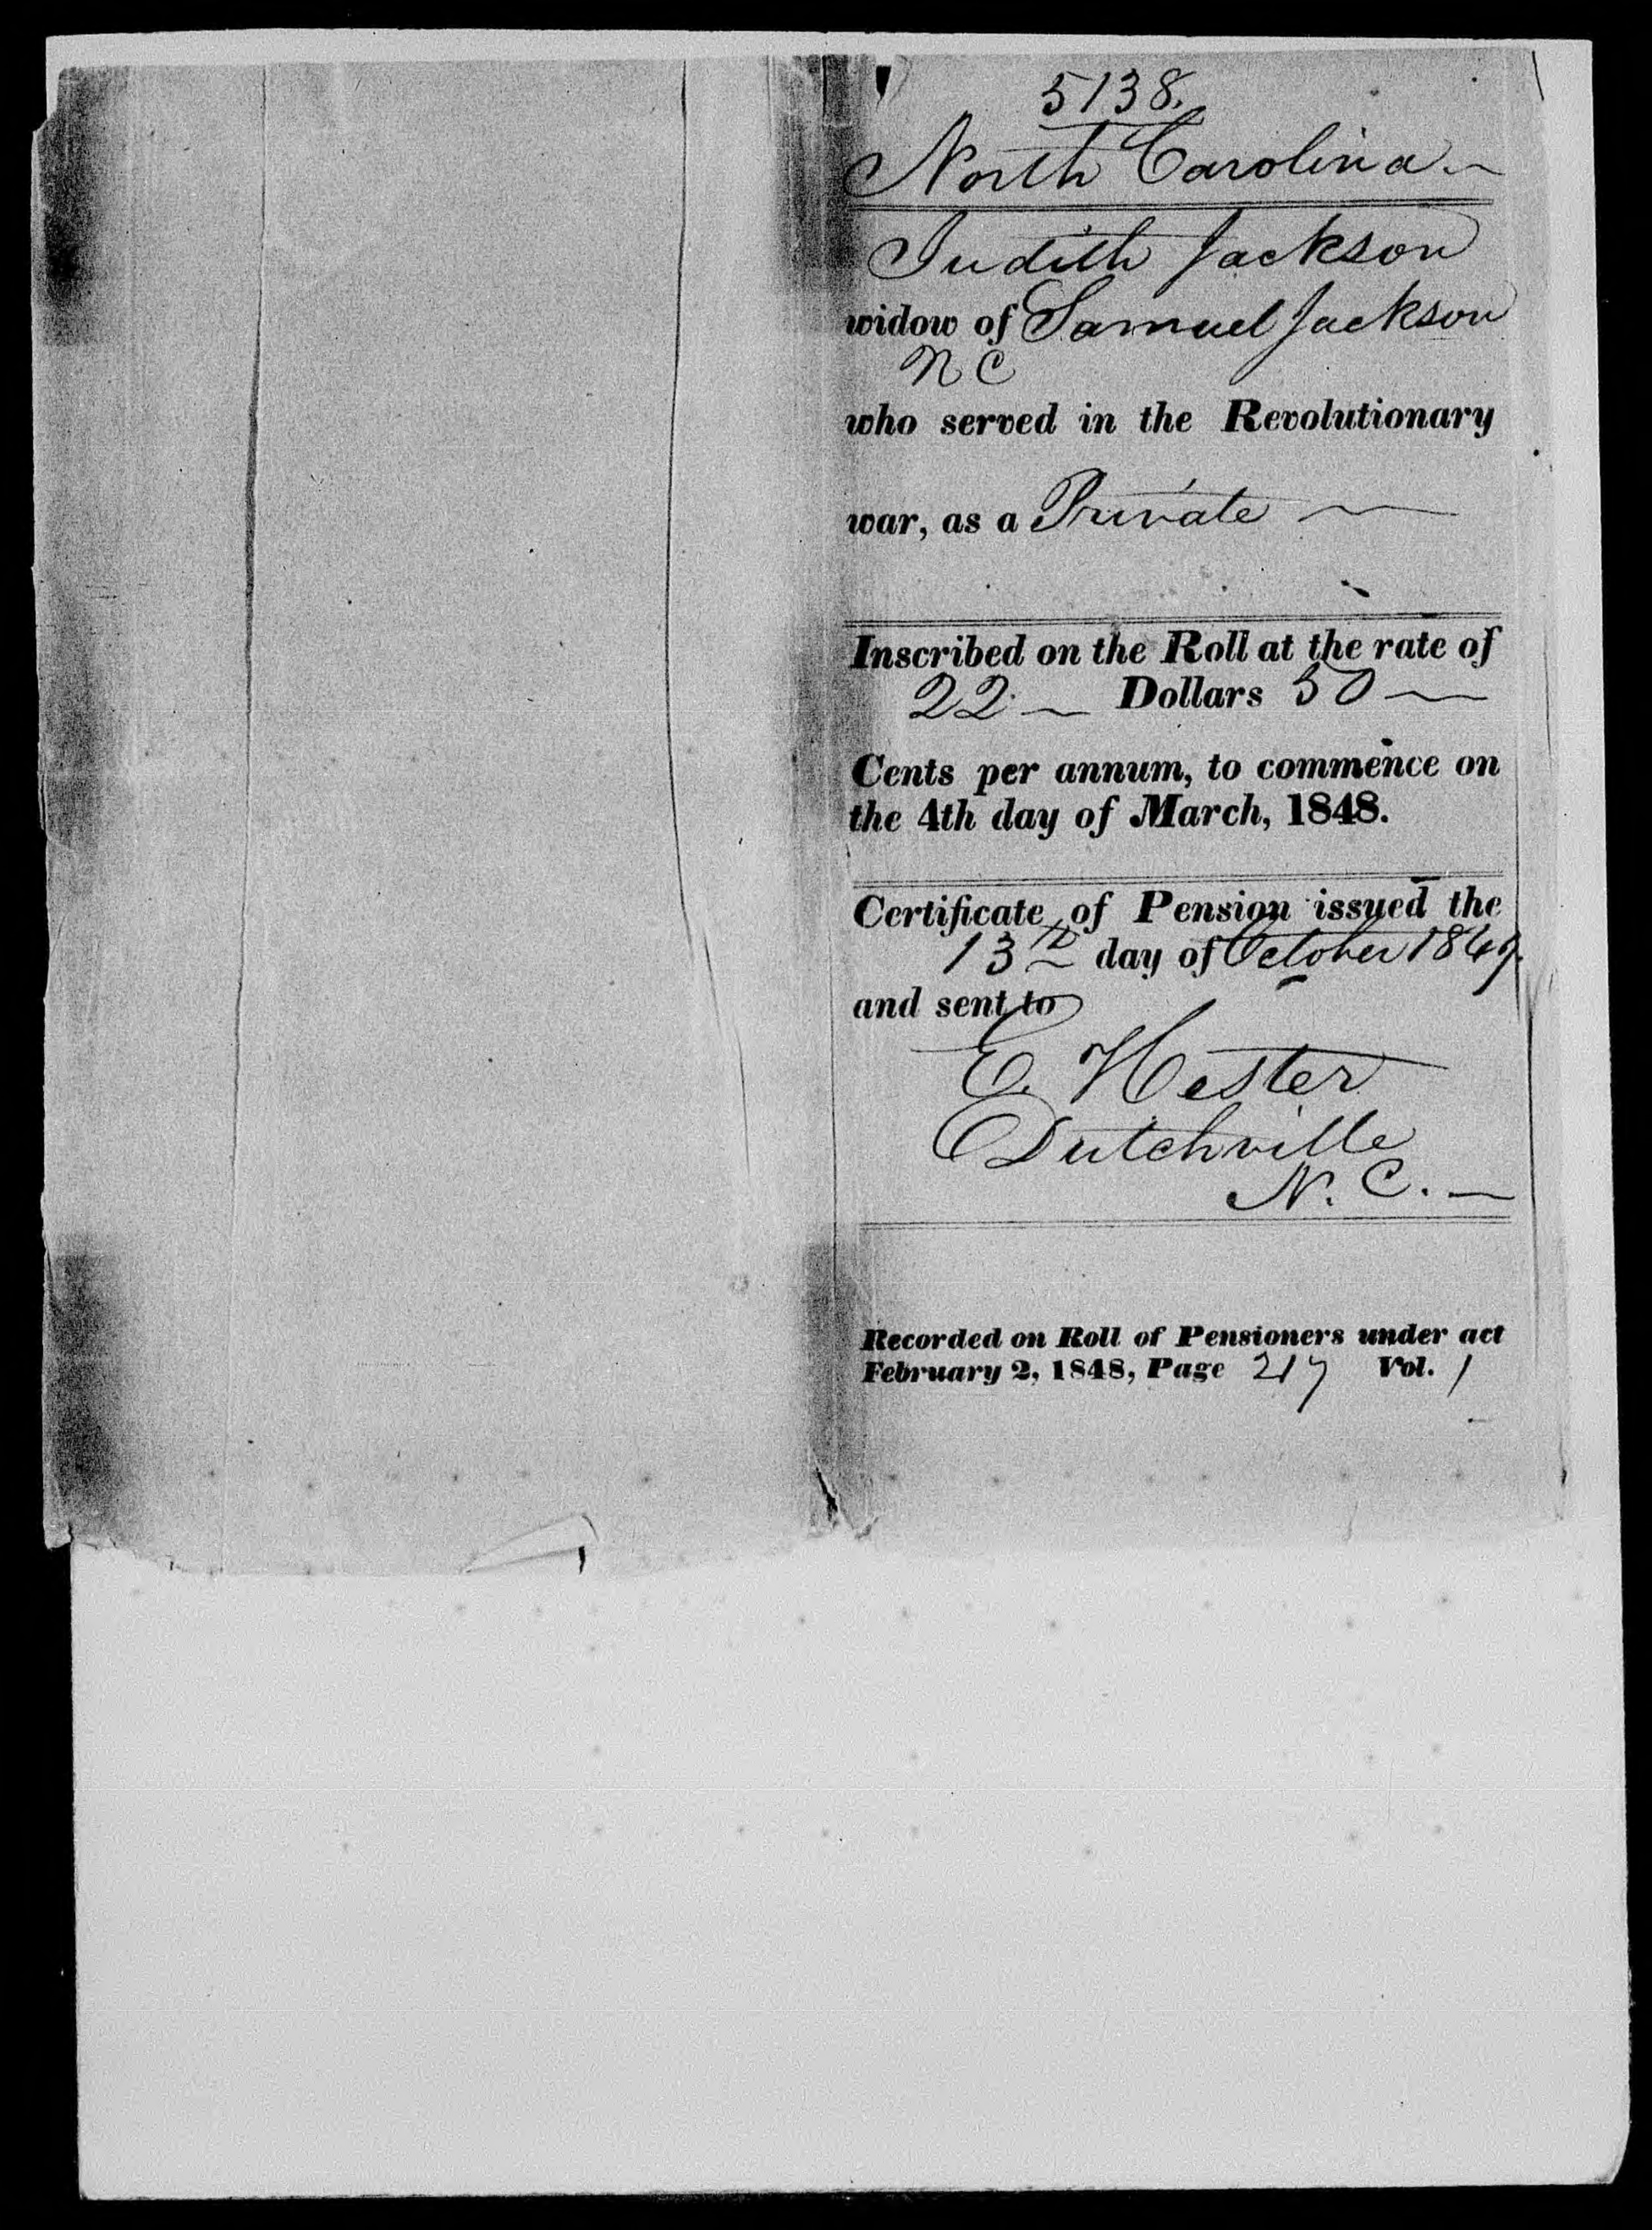5138
North Carolina
Judith Jackson
widow of Samuel Jackson 
NC
who served in the Revolutionary
war as a Private

Inscribed in the Roll at the rate of 
22 Dollars 50
Cents per annum to commence on the 4th dat of March, 1848.

Certificate of Pension issued the
13th day of October 1869 
and sent to 
E. Hester
Duncanville
N.C

Recorded on Roll of Pensioners under act February 2, 1848, Page 217 Vol. 1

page: 2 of 49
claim: widow's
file: W. 4001, for Samuel Jackson, North Carolina